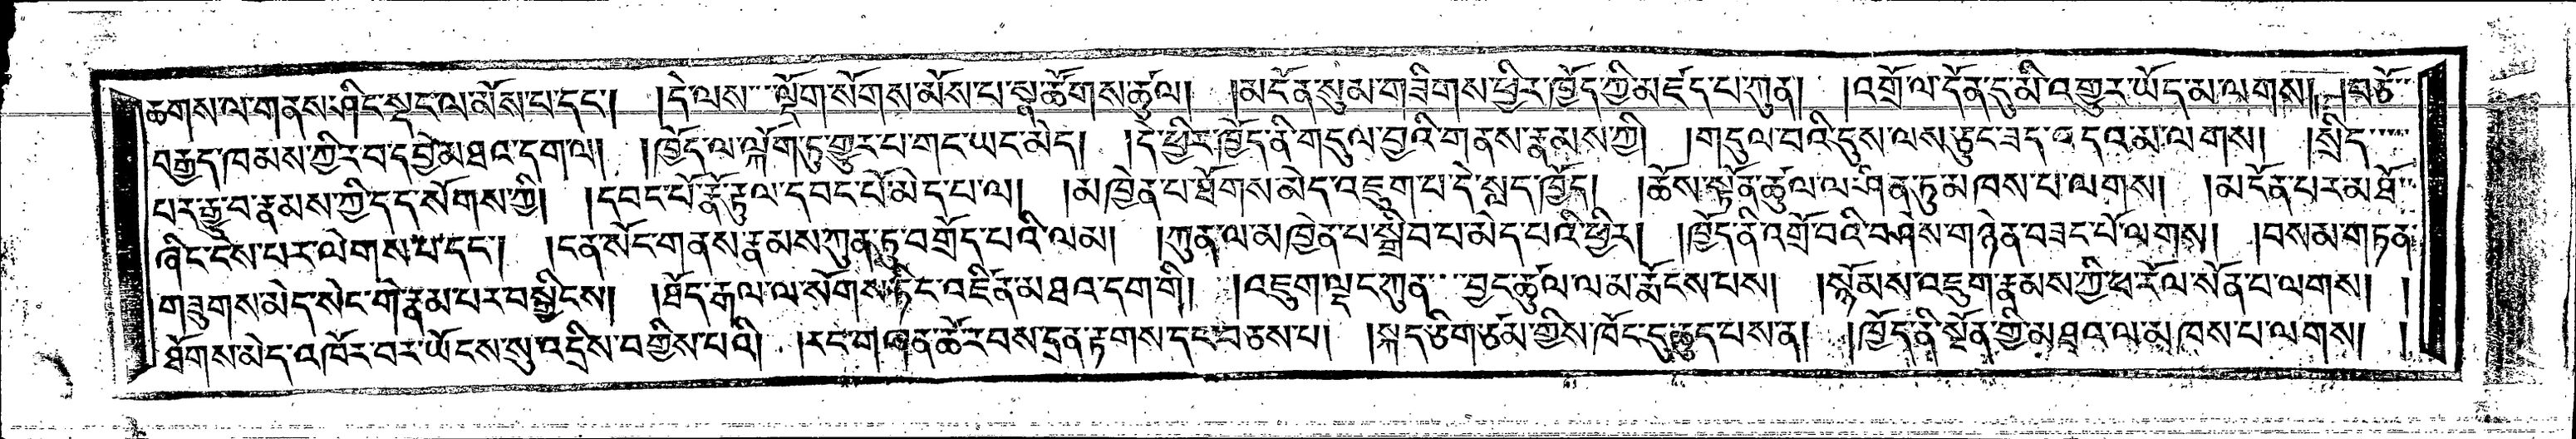ཆགས་ལ་གནས་ཤིང་སྡང་ལ་མོས་པ་དང་། །དེ་ལས་ལྡོག་སོགས་མོས་པ་སྣ་ཚོགས་ཚུལ། །མངོན་སུམ་གཟིགས་ཕྱིར་ཁྱོད་ཀྱི་མཛད་པ་ཀུན། །འགྲོ་ལ་དོན་དུ་མི་འགྱུར་ཡོད་མ་ལགས། །བཙོ་
བརྒྱད་ཁམས་ཀྱི་རབ་དབྱེ་མཐའ་དག་ལ། །ཁྱོད་ལ་ལྐོག་ཏུ་གྱུར་པ་གང་ཡང་མེད། །དེ་ཕྱིར་ཁྱོད་ནི་གདུལ་བྱའི་གནས་རྣམས་ཀྱི། །གདུལ་བའི་དུས་ལས་ཅུང་ཟད་འདའ་མ་ལགས། །སྲིད་
པར་རྒྱུ་བ་རྣམས་ཀྱི་དད་སོགས་ཀྱི། །དབང་པོ་རྣོ་རྟུལ་དབང་པོ་མེད་པ་ལ། །མཁྱེན་པ་ཐོགས་མེད་འཇུག་པ་དེ་སླད་ཁྱོད། །ཆོས་སྟོན་ཚུལ་ལ་ཤིན་ཏུ་མཁས་པ་ལགས། །མངོན་པར་མཐོ་
ཞིང་ངེས་པར་ལེགས་པ་དང་། །ངན་སོང་གནས་རྣམས་ཀུན་ཏུ་བགྲོད་པའི་ལམ། །ཀུན་ལ་མཁྱེན་པ་སྒྲིབ་པ་མེད་པའི་ཕྱིར། །ཁྱོད་ནི་འགྲོ་བའི་བཤེས་གཉེན་བཟང་པོ་ལགས། །བསམ་གཏན་
གཟུགས་མེད་སེང་གེ་རྣམ་པར་བསྒྱིངས། །ཐོད་རྒལ་ལ་སོགས་ཏིང་འཛིན་མཐའ་དག་གི། །འཇུག་ལྡང་ཀུན་བྱང་ཚུལ་ལམ་རྨོངས་པས། །སྙོམས་འཇུག་རྣམས་ཀྱི་ཕ་རོལ་སོན་པ་ལགས། །
ཐོགས་མེད་འཁོར་བར་ཡོངས་སུ་འདྲིས་བགྱིས་པའི། །རང་གཞན་ཚེ་རབས་དྲན་རྟགས་དང་བཅས་པ། །སྐད་ཅིག་ཙམ་གྱིས་ཁོང་དུ་ཆུད་པས་ན། །ཁྱོད་ནི་སྔོན་གྱི་མཐའ་ལ་མཁས་པ་ལགས། །